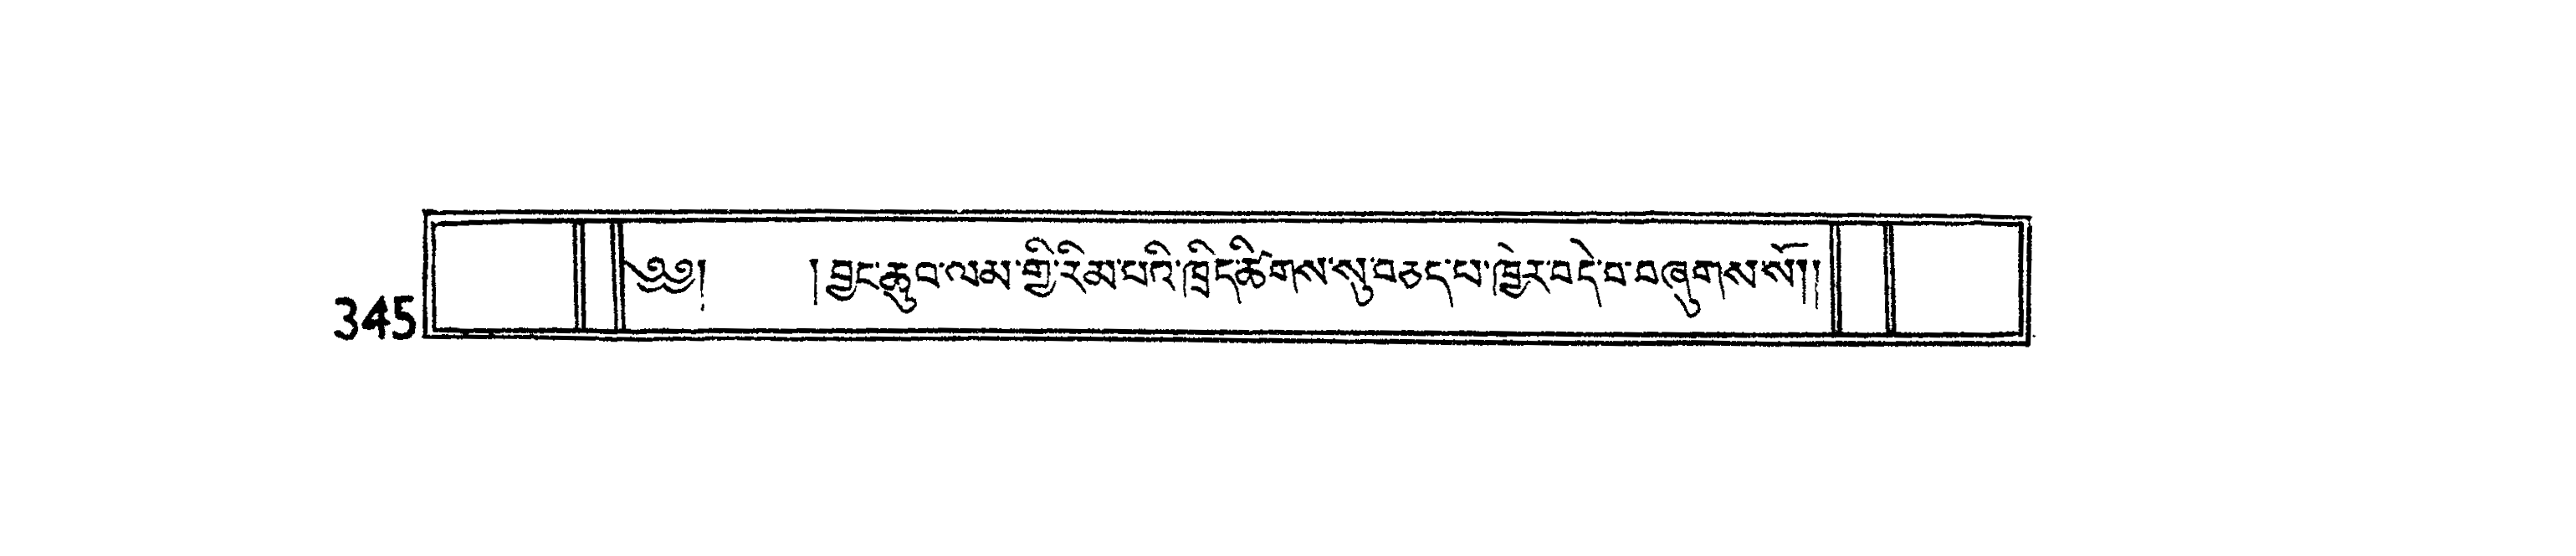༄༅། །བྱང་ཆུབ་ལམ་གྱི་རིམ་པའི་ཁྲིད་ཚིགས་སུ་བཅད་པ་ཁྱེར་བདེ་བ་བཞུགས་སོ། །